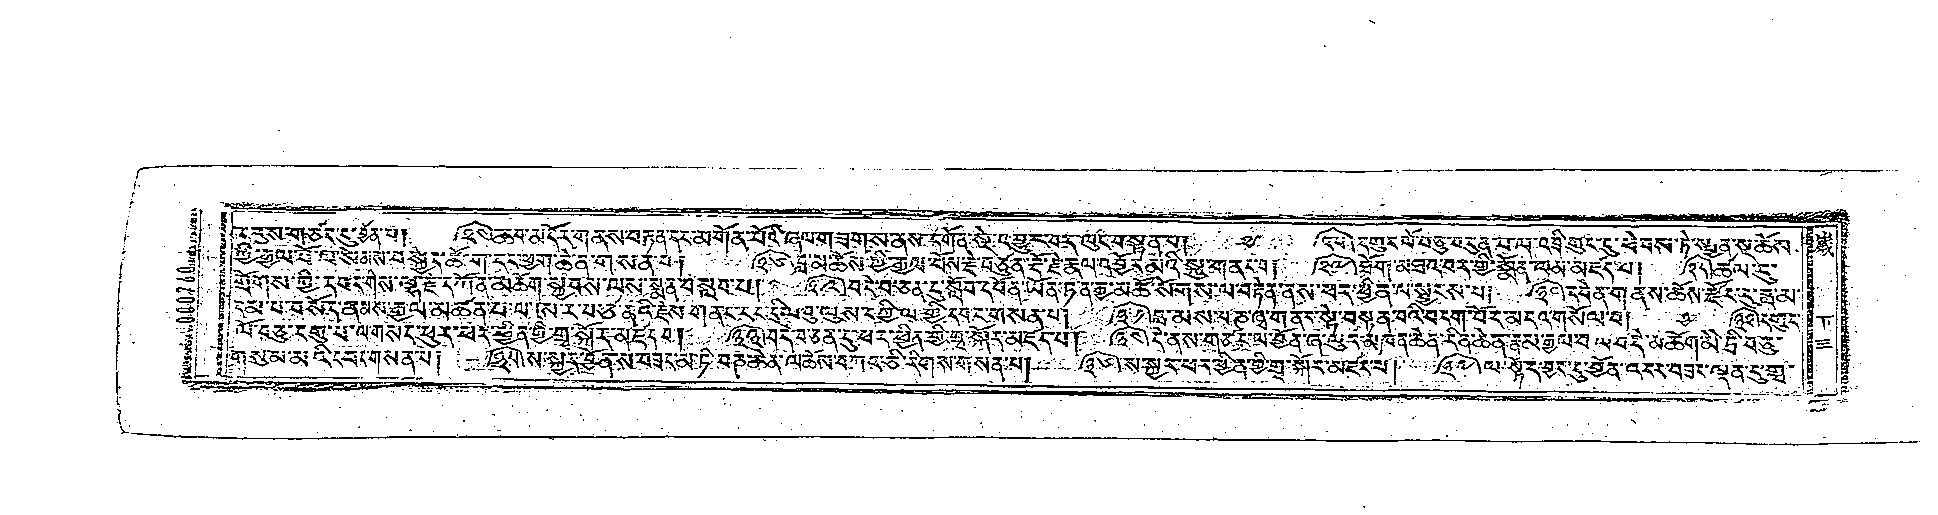དབུས་གཙང་དུ་བྱོན་པ། ༼༢༤?་ཆབ་མདོར་གནས་བརྟན་དང་མགོན་པོའི་ཞལ་གཟིགས་ནས་དགོན་སྡེ་འབྱུང་བར་ལུང་བསྟན་པ། ༧་༽༢༥?་དགུང་ལོ་བཅུ་བདུན་པ་ལ་འབྲི་གུང་དུ་ཕེབས་ཏེ་སྤྱན་སྔ་ཆོས་
ཀྱི་རྒྱལ་པོ་ལ་སེམས་བསྐྱེད་ཆོ་ག་དང་ཕྱག་ཆེན་གསན་པ། ༼༢༦?་བླ་མ་ཆོས་ཀྱི་རྒྱལ་པོས་རྗེ་བཙུན་རྡོ་རྗེ་རྣལ་འབྱོར་མའི་སྐུ་གནང་བ། ༽༢༧?་ཐོག་མཐའ་བར་གྱི་སྨོན་ལམ་མཛད་པ། ༢༨?་ཚལ་དུ་
གྲོགས་ཀྱི་དབང་གིས་ལྷ་རྗེ་དཀོན་མཆོག་སྐྱབས་ལས་སྨན་བསླབ་པ། ༼༢༩?་བདེ་བ་ཅན་དུ་སློབ་དཔོན་ཡོན་ཏན་རྒྱ་མཚོ་སོགས་ལ་བརྟེན་ནས་ཕར་ཕྱིན་ལ་སྦྱངས་པ། ༽༣༠?་དགེན་གནས་ཆོས་རྫོང་དུ་བླ་མ་
དམ་པ་བསོད་ནམས་རྒྱལ་མཚན་པ་ལ་ཨ་ར་པ་ཙ་ནའི་རྗེས་གནང་དང་དྲིལ་བུ་ལུས་དཀྱིལ་གྱི་དབང་གསན་པ། ༼༣༡?་བླ་མས་པཎ་ཞྭ་གནང་སྟེ་བསྟན་བའི་བདག་པོར་མངའ་གསོལ་བ། ༧་༽༣༢?་དགུང་
ལོ་བཅུ་དགུ་པ་ལ་གསང་ཕུར་ཕར་ཕྱིན་གྱི་གྲྭ་སྐོར་མཛད་པ། ༼༣༣?་བདེ་བ་ཅན་དུ་ཕར་ཕྱིན་གྱི་གྲྭ་སྐོར་མཛད་པ། ༽༣༤?་དེ་ནས་གཙང་ལ་བྱོན་ཞ་ལུར་མཁན་ཆེན་རིན་ཆེན་རྣམ་རྒྱལ་བ་ལ་བདེ་མཆོག་མཻ་ཏྲི་བཅུ་
གསུམ་མའི་དབང་གསན་པ། ༼༣༥?་ས་སྐྱར་བྱོན་ས་བཟང་མ་ཏི་པཎ་ཆེན་ལ་ཆོས་བཀའ་ཅི་རིགས་གསན་པ། ༽༣༦?་ས་སྐྱར་ཕར་ཕྱིན་གྱི་གྲྭ་སྐོར་མཛད་པ། ༣༧?་ལ་སྟོང་བྱང་དུ་བྱོན་འདྲ་བཟང་ལྡན་དུ་གྲྭ་